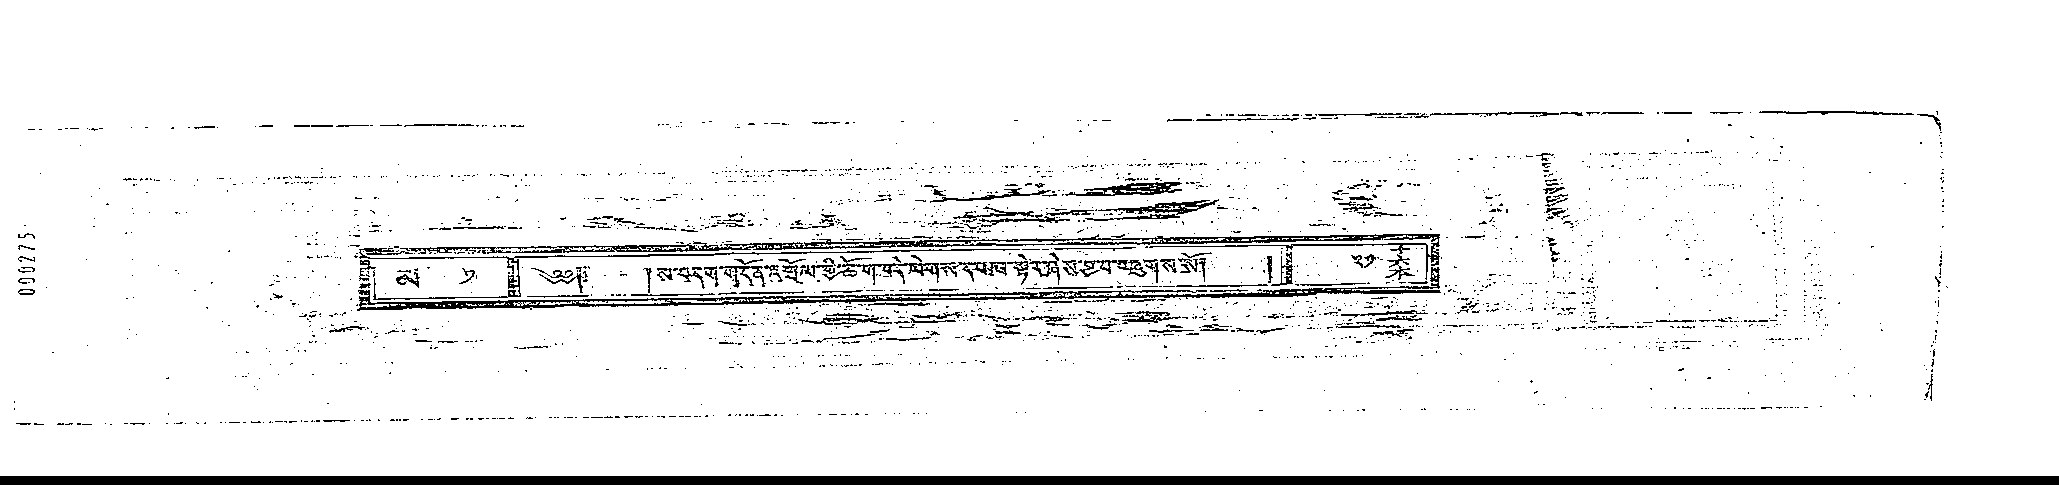ཏ ༡༦?
༄༅། །ས་བདག་གདོན་འགྲོལ་གྱི་ཆོ་ག་བདེ་ལེགས་དཔལ་སྟེར་ཞེས་བྱ་བ་བཞུགས་སོ། །